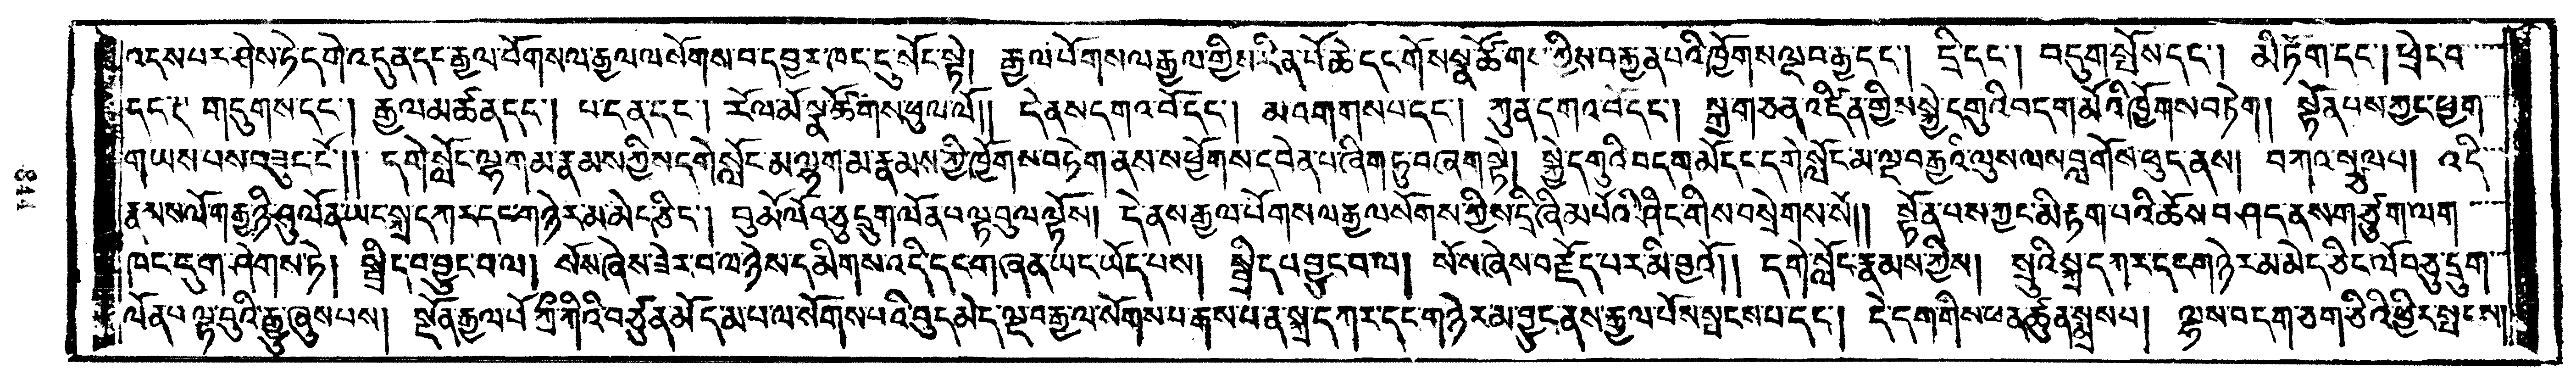འདས་པར་ཤེས་ཏེ་དགེ་འདུན་དང་རྒྱལ་པོ་གསལ་རྒྱལ་ལ་སོགས་བ་དབྱར་ཁང་དུ་སོང་སྟེ། རྒྱལ་པོ་གསལ་རྒྱལ་གྱིས་རིན་པོ་ཆེ་དང་གོས་སྣ་ཚོགས་ཀྱིས་བརྒྱན་པའི་ཁྱོགས་ལྔ་བརྒྱ་དང་། དྲི་དང་། བདུག་སྤོས་དང་། མི་ཏོག་དང་། ཕྲེང་བ་
དང༑ གདུགས་དང་། རྒྱལ་མཚན་དང་། པ་ངན་དང་། རོལ་མོ་སྣ་ཚོགས་ཕུལ་ལོ།། དེ་ནས་དགའ་བོ་དང་། མ་འགགས་པ་དང་། ཀུན་དགའ་བོ་དང་། སྒྲ་གཅན་འཛིན་གྱིས་སྐྱེ་དགུའི་བདག་མོའི་ཁྱོགས་བཏེག། སྟོན་པས་ཀྱང་ཕྱག་
གཡས་པས་བཟུང་ངོ།། དགེ་སློང་ལྷག་མ་རྣམས་ཀྱིས་དགེ་སློང་མ་ལྷག་མ་རྣམས་ཀྱི་ཁྱོགས་བཏེག་ནས་ས་ཕྱོགས་དབེན་པ་ཞིག་ཏུ་བཞག་སྟེ། སྐྱེ་དགུའི་བདག་མོ་དང་དགེ་སློང་མ་ལྔ་བརྒྱའི་ལུས་ལས་བླ་གོས་ཕུད་ནས། བཀའ་སྩལ་པ། འདི་
རྣམས་ལོ་ག་རྒྱ་ཉི་ཤུ་ལོན་ཡང་སྐྲ་དཀར་དང་གཉེར་མ་མེད་ཅིང་། བུ་མོ་ལོ་བཅུ་དྲུག་ལོན་པ་ལྟ་བུ་ལ་ལྟོས། དེ་ནས་རྒྱལ་པོ་གསལ་རྒྱལ་སོགས་ཀྱིས་དྲི་ཞིམ་པོའི་ཤིང་གིས་བསྲེགས་སོ།། སྟོན་པས་ཀྱང་མི་རྟག་པའི་ཆོས་བཤད་ནས་གཙུག་ལག་
ཁང་དུ་གཤེགས་ཏེ། སྦྲིད་བ་བྱུང་བ་ལ། སོས་ཞེས་ཟེར་བ་ལ་ཉེས་དམིགས་འདི་དང་གཞན་ཡང་ཡོད་པས། སྦྲིད་པ་བྱུང་བ་ལ། སོས་ཞེས་བརྗོད་པར་མི་བྱའོ།། དགེ་སློང་རྣམས་ཀྱིས། སྲུའི་སྐྲ་དཀར་དང་གཉེར་མ་མེད་ཅིང་ལོ་བཅུ་དྲུག་
ལོན་པ་ལྟ་བུའི་རྒྱུ་ཞུས་པས། སྔོན་རྒྱལ་པོ་ཀྲྀ་ཀིའི་བཙུན་མོད་མ་པ་ལ་སོགས་པའི་བུད་མེད་ལྔ་བརྒྱ་ལ་སོགས་པ་རྒས་པ་ན་སྐྲ་དཀར་དང་གཉེར་མ་བྱུང་ནས་རྒྱལ་པོས་སྤངས་པ་དང་། དེ་དག་གིས་ཕན་ཚུན་སྨྲས་པ། ལྷས་བདག་ཅག་ཅིའི་ཕྱིར་སྤངས།